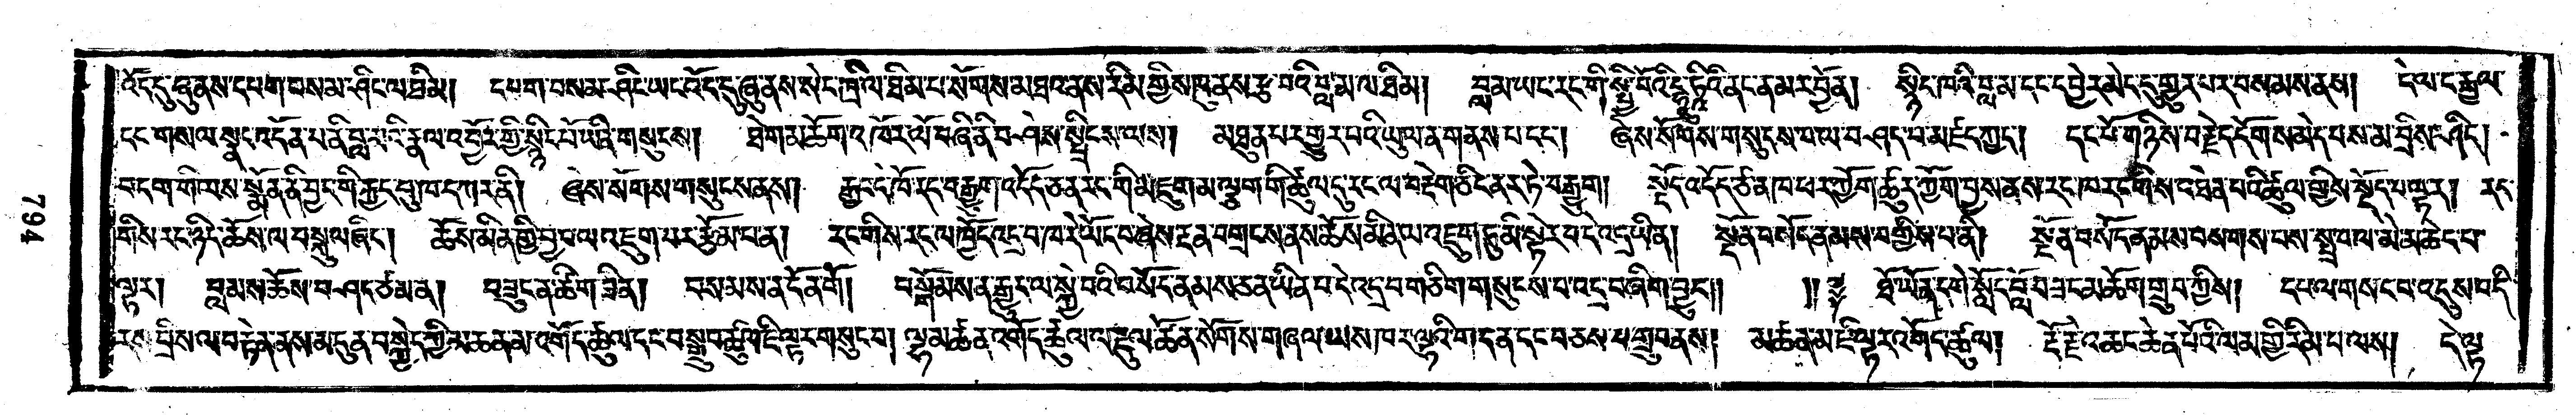འོད་དུ་ཞུ་ནས་དཔག་བསམ་ཤིང་ལ་ཐིམ། དཔག་བསམ་ཤིང་ཡང་འོང་དུ་ཞུ་ནས་སེང་ཁྲི་ལ་ཐིམ་པ་སོགས་མཐའ་ནས་རིམ་གྱིས་ཁུ་ནས་རྩ་བའི་བླ་མ་ལ་ཐིམ། བླ་མ་ཡང་རང་གི་སྤྱི་བོའི་དྷཱུཏཱིའི་ནང་ན་མར་བྱོན། སྙིང་ཁའི་བླ་མ་དང་དབྱེར་མེད་དུ་གྱུར་པར་བསམས་ནས། དེ་ལ་ང་རྒྱལ་
དང་གསལ་སྣང་འདོན་པ་ནི་བླ་མའི་རྣལ་འབྱོར་གྱི་སྙིང་པོ་ཡིན་གསུངས། ཐེག་མཆོག་འཁོར་ལོ་བཞི་ནི་བཤེས་སྤྲིངས་ལས། མཐུན་པར་གྱུར་པའི་ཡུལ་ན་གནས་པ་དང་། ཞེས་སོགས་གསུངས་པ་ལ་བཤད་པ་མཛད་ཀྱང་། དང་པོ་གཉིས་བརྗེད་དོགས་མེད་པས་མ་བྲིས་ཤིང་།
བདག་གི་ལས་སྨོན་ནི་བྱང་གི་རྐྱང་བུ་ཁ་དཀར་ནི། ཞེས་སོགས་གསུངས་ནས། རྒྱབ་དེ་ཁོ་རང་བརྒྱུག་འདོད་ཅན་རང་གི་མཇུག་མ་ལྕག་གི་ཚུལ་དུ་རང་ལ་བརྡེག་ཅིང་ནར་ཏེ་བརྒྱུག། སྡོད་འདོད་ཙ་ན་ཁ་ཕར་ཀྱོག་ཚུར་ཀྱོག་བྱས་ནས་རང་ཁ་རང་གིས་འཐེན་པའི་ཚུལ་གྱིས་སྡོད་པ་ལྟར། རང་
གིས་རང་ཉིད་ཆོས་ལ་བསྐུལ་ཞིང་། ཆོས་མིན་གྱི་བྱ་བ་ལ་འཇུག་པར་རྩོམ་པ་ན། རང་གིས་རང་ལ་ཁྱོད་འདྲ་བ་ཁ་རེ་ཡོད་བ་ཞེས་རྔན་བགྲངས་ནས་ཆོས་མིན་ལ་འཇུག་ཏུ་མི་སྟེར་བ་དེ་འདྲ་ཡིན། སྡོན་བསོད་ནམས་བགྱིས་པ་ནི། སྔོན་བསོད་ནམས་བསགས་པས་སྤྲ་བ་ལ་མེ་མ་ཆེང་བ་
ལྟར། བླ་མས་ཆོས་བཤད་ཙམ་ན། བཟུང་ན་ཚིག་ཟིན། བསམས་ན་དོན་གོ། བསྒོམས་ན་རྒྱུད་ལ་སྐྱེ་བའི་བསོད་ནམས་ཅན་ཡིན་པ་དེ་འདྲ་བ་གཅིག་གསུངས་པ་འདྲ་བ་ཞིག་བྱུང།། །།༈ ཐོ་ཡོན་དགེ་སློང་བློ་བཟང་མཆོག་གྲུབ་ཀྱིས། དཔལ་གསང་བ་འདུས་བ་དི་
རས་བྲིས་ལ་བརྟེན་ནས་མདུན་བསྐྱེད་ཀྱི་མཆན་མ་འགོད་ཚུལ་དང་བསྒྲུབ་ཚུལ་ཇི་ལྟར་གསུང་བ། ལྷ་མཚན་འགོང་ཚུལ་ལ་རྡུལ་ཚོན་སོགས་གཞལ་ཡས་ཁར་ལྷའི་གདན་དང་བཅས་པ་གྲུབ་ནས། མཚན་མ་ཇི་ལྟར་འགོང་ཚུལ། རྡོ་རྗེ་འཆང་ཆེན་པོའི་ལམ་གྱི་རིམ་པ་ལས། དེ་ལྟ་